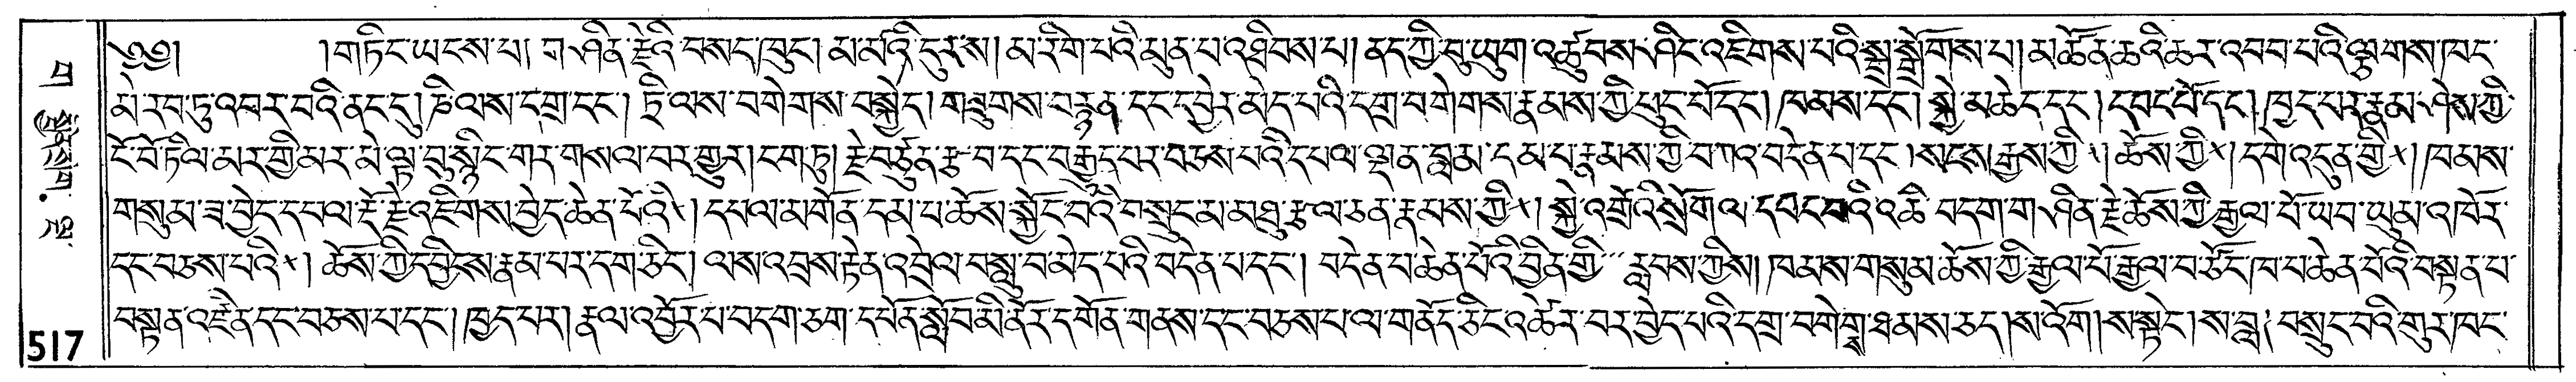༄༅། །གཏིང་ཡངས་པ། གཤིན་རྗེའི་བསད་ཁུང་། མ་མའི་དུར་ས། མ་རིག་པའི་མུན་པ་འཐིབས་པ། ནད་ཀྱི་བུ་ཡུག་འཚུབས་ཤིང་འཇིགས་པའི་སྒྲ་སྒྲོགས་པ། མཚོན་ཆའི་ཆར་འབབ་པའི་ལྕགས་ཁང་
མེ་རབ་ཏུ་འབར་བའི་ནང་དུ། ཎི་ལས་དགྲ་དང་། ཏྲི་ལས་བགེགས་བསྐྱེད། གཟུགས་བརྙན་དང་དབྱེར་མེད་པའི་དགྲ་བགེགས་རྣམས་ཀྱི་ཕུང་པོ་དང་། ཁམས་དང་། སྐྱེ་མཆེད་དང་། དབང་པོ་དང་། ཁྱད་པར་རྣམ་ཤེས་ཀྱི་
ངོ་བོ་ཏིལ་མར་གྱི་མར་མེ་ལྟ་བུ་སྙིང་གར་གསལ་བར་གྱུར། ངག་ཏུ། རྗེ་བཙུན་རྩ་བ་དང་བརྒྱུད་པར་བཅས་པའི་དཔལ་ལྡན་བླ་མ་དམ་པ་རྣམས་ཀྱི་བཀའ་བདེན་པ་དང་། སངས་རྒྱས་ཀྱི་྾། ཆོས་ཀྱི་྾། དགེ་འདུན་གྱི་྾། ཁམས་
གསུམ་ཟ་བྱེད་དཔལ་རྡོ་རྗེ་འཇིགས་བྱེད་ཆེན་པོའི་྾། དཔལ་མགོན་དམ་པ་ཆོས་སྐྱོང་བའི་བསྲུང་མ་མཐུ་རྩལ་ཅན་རྣམས་ཀྱི་྾། སྐྱེ་འགྲོའི་སྲོག་ལ་དབང་བའི་འཆི་བདག་གཤིན་རྗེ་ཆོས་ཀྱི་རྒྱལ་པོ་ཡབ་ཡུམ་འཁོར་
དང་བཅས་པའི་྾། ཆོས་ཀྱི་དབྱིངས་རྣམ་པར་དག་ཅིང་། ལས་འབྲས་རྟེན་འབྲེལ་བསླུ་བ་མེད་པའི་བདེན་པ་དང་། བདེན་པ་ཆེན་པོའི་བྱིན་གྱི་རླབས་ཀྱིས། ཁམས་གསུམ་ཆོས་ཀྱི་རྒྱལ་པོ་རྒྱལ་བ་ཙོང་ཁ་པ་ཆེན་པོའི་བསྟན་པ་
བསྟན་འཛིན་དང་བཅས་པ་དང་། ཁྱད་པར། རྣལ་འབྱོར་པ་བདག་ཅག་དཔོན་སློབ་མི་ནོར་དགོན་གནས་དང་བཅས་པ་ལ་གནོད་ཅིང་འཚེར་བར་བྱེད་པའི་དགྲ་བགེགས་ཐམས་ཅད། ས་འོག །ས་སྟེང་། ས་བླ། བསྲུང་བའི་གུར་ཁང་